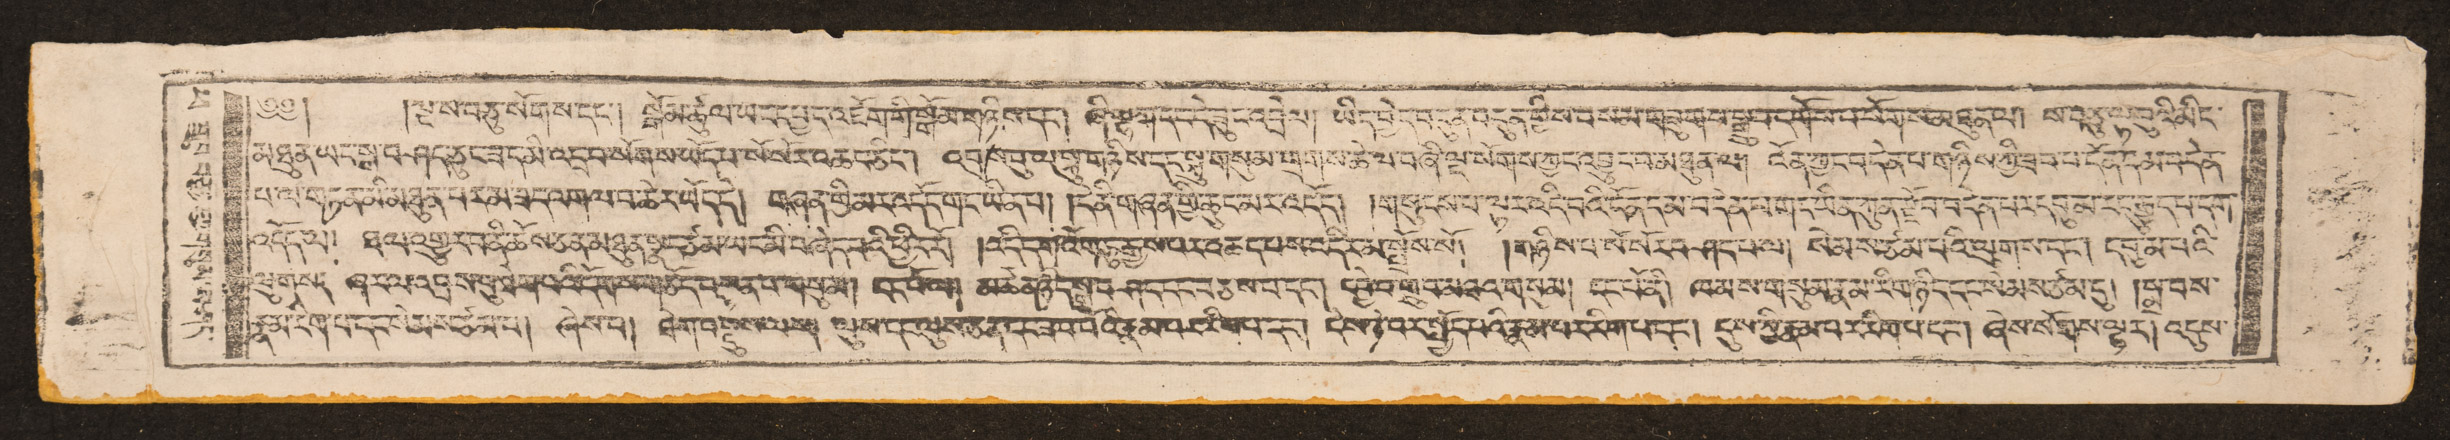༄༅། །ལྔ་ས་བཅུ་སོགས་དང་། སྒོམ་ཚུལ་ཡང་དཔྱད་འཇོག་གི་སྒོམ་གཉིས་དང་། ཞི་ལྷག་དང་དེ་ཟུང་འབྲེལ། ཡིད་བྱེད་བདུན་བདུན་གྱིས་བསམ་གཟུགས་སྒྲུབ་དགོས་པ་སོགས་མཐུན་ལ། ས་བཅུ་ལྟ་བུའི་མིང་
མཐུན་ཡང་སྒ་བཤང་ཅུང་ཟད་མི་འདྲ་བ་སོགས་ཡོད་པ་སོ་སོར་འཆད་ཅིང་། འབྲས་བུ་ལ་སྐུ་གཉིས་དང་སྐུ་གསུམ་གྲགས་ཆེ་བ་བཞི་ལྔ་སོགས་ཀྱང་འབྱུང་བ་མཐུན་ལ། འོན་ཀྱང་བདེན་པ་གཉིས་ཀྱི་ཟབ་པ་དོན་དམ་བདེན་
པ་ལ་གཏན་མི་མཐུན་པར་མ་ཟད་འགལ་བ་ཆེར་ཡོད་དེ། གཞན་གྱི་མར་འདོད་གང་ཡིན་པ། །དེ་ནི་གཞན་གྱི་ཆུང་མར་འདོད། །གསུངས་པ་ལྟར་འདི་བའི་དོན་དམ་བདེན་པ་གང་ཡིན་ཀུན་རྫོབ་བདེན་པར་དབུ་མ་རང་རྒྱུད་པ་དག་
འདོད་ལ། ཐལ་འགྱུར་བ་ནི་ཆོས་ཅན་མཐུན་སྣང་ཙམ་ཡང་མི་བཞེད་པའི་ཕྱིར་རོ། །འདི་དག་འོག་ཏུ་རྒྱས་པར་འཆད་པས་འདིར་མ་སྤྲོས་སོ། །གཉིས་པ་སོ་སོར་བཤད་པ་ལ། སེམས་ཙམ་པའི་ལུགས་དང་། དབུ་མ་པའི་
ལུགས༑ ཞར་ལ་འབྲས་བུ་ཐེག་པའི་དོགས་གཅོད་བསྟན་པ་གསུམ། དང་པོ་ལ། མཚན་ཉིད་སྒྲ་བཤད་དང་བཅས་པ་དང་། དབྱེ་བ་གྲུབ་མཐའ་གསུམ། དང་པོ་ནི། ཁམས་གསུམ་རྣམ་རི་གཉིད་དང་སེམས་ཙམ་དུ། །སྨྲ་བས་
རྣམ་རིག་པ་དང་སེམས་ཙམ་པ། ཞེས་པ། ཐེག་བསྡུས་ལས། ལུས་དང་ལུས་ཅན་དང་ཟབ་པོའི་རྣམ་པར་རིག་པ་དང་། དེས་ཉེ་བར་སྤྱོད་པའི་རྣམ་པར་རིག་པ་དང་། དུས་ཀྱི་རྣམ་པར་རིག་པ་དང་། ཞེས་སོགས་ལྟར། འདུས་